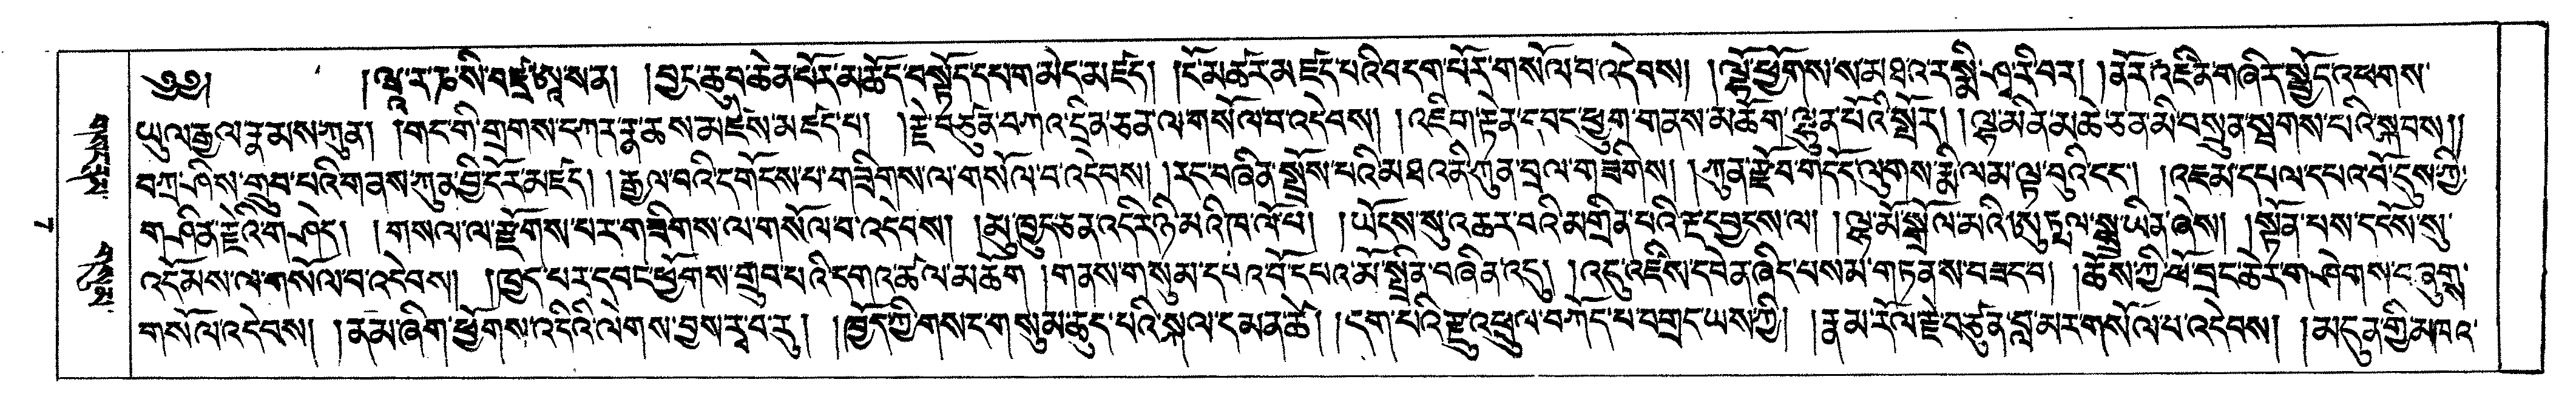༄༅། །ཝཱ་ར་ཎ་སེ་བཛྲ་ཨཱ་ས་ན། །བྱང་ཆུབ་ཆེན་པོར་མཆོད་བསྟོད་དཔག་མེད་མཛད། །ངོ་མཚར་མཛད་པའི་བདག་པོར་གསོལ་བ་འདེབས། །ལྷོ་ཕྱོགས་ས་མཐའ་རསྨི་ཤྭ་རི་བར། །ནོར་འཛིན་གཞིར་སྤྱོད་འཕགས་
ཡུལ་རྒྱལ་རྣམས་ཀུན། །གང་གི་གྲགས་དཀར་རྣ་ཆས་མཛས་མཛད་པ། །རྗེ་བཙུན་བཀའ་དྲིན་ཅན་ལ་གསོལ་བ་འདེབས། །འཇིག་རྟེན་དབང་ཕྱུག་གནས་མཆོག་ལྷུན་པོའི་སྦོར། །ལྷ་མིན་མཆེ་ཅན་མི་བསྲུན་སྦགས་པའི་སྐབས།།
བཀྲ་ཤིས་གྲུབ་པའི་གནས་ཀུན་བྱི་དོར་མཛད། །རྒྱལ་བའི་དགོངས་པ་གཟིགས་ལ་གསོལ་བ་འདེབས། །རང་བཞིན་སྤྲོས་པའི་མཐའ་ནི་ཀུན་བྲལ་གཟིགས། །ཀུན་རྫོབ་གདོད་ལུགས་རྨི་ལམ་ལྟ་བུའི་ངང་། །འཇམ་དཔལ་དཔའ་བོ་དུས་ཀྱི་
གཤིན་རྗེའི་གཤེད། །གསལ་ལ་རྫོགས་པར་གཟིགས་ལ་གསོལ་བ་འདེབས། །མུ་ཁྱུད་ཅན་འདིར་ཉི་མའི་ཁ་ལོ་པ། །ཡོངས་སུ་འཆར་པའི་མགྲིན་པའི་རྔ་དབྱངས་ལ། །ལྷ་མོ་སྒྲོལ་མའི་ཨུཏྤལ་སྒྲ་ཡིན་ཞེས། །སྟོན་པས་དངོས་སུ་
འདོམས་ལ་གསོལ་བ་འདེབས། །ཁྱད་པར་དབང་ཕྱོགས་གྲུབ་པའི་དགའ་ཚལ་མཆོག །གནས་གསུམ་དཔའ་བོ་དཔའ་མོ་སྤྲིན་བཞིན་འདུ། །འདུ་འཛིས་དབེན་ཞིང་བསམ་གཏན་ས་བཟང་བ། །ཆོས་ཀྱི་ཕོ་བྲང་ཆེར་གཤེགས་བཞུགས་
གསོལ་འདེབས། །ནམ་ཞིག་ཕྱོགས་འདིའི་ལེགས་བྱས་རྭ་བ་རུ། །ཁྱོད་ཀྱི་གསང་གསུམ་ཆུད་པའི་སྐལ་དམན་ཚེ། །དག་པའི་རྫུ་འཕྲུལ་བཀོད་པ་བགྲང་ཡས་ཀྱི། །རྣམ་རོལ་རྗེ་བཙུན་བླ་མར་གསོལ་བ་འདེབས། །མདུན་གྱི་མཁའ་